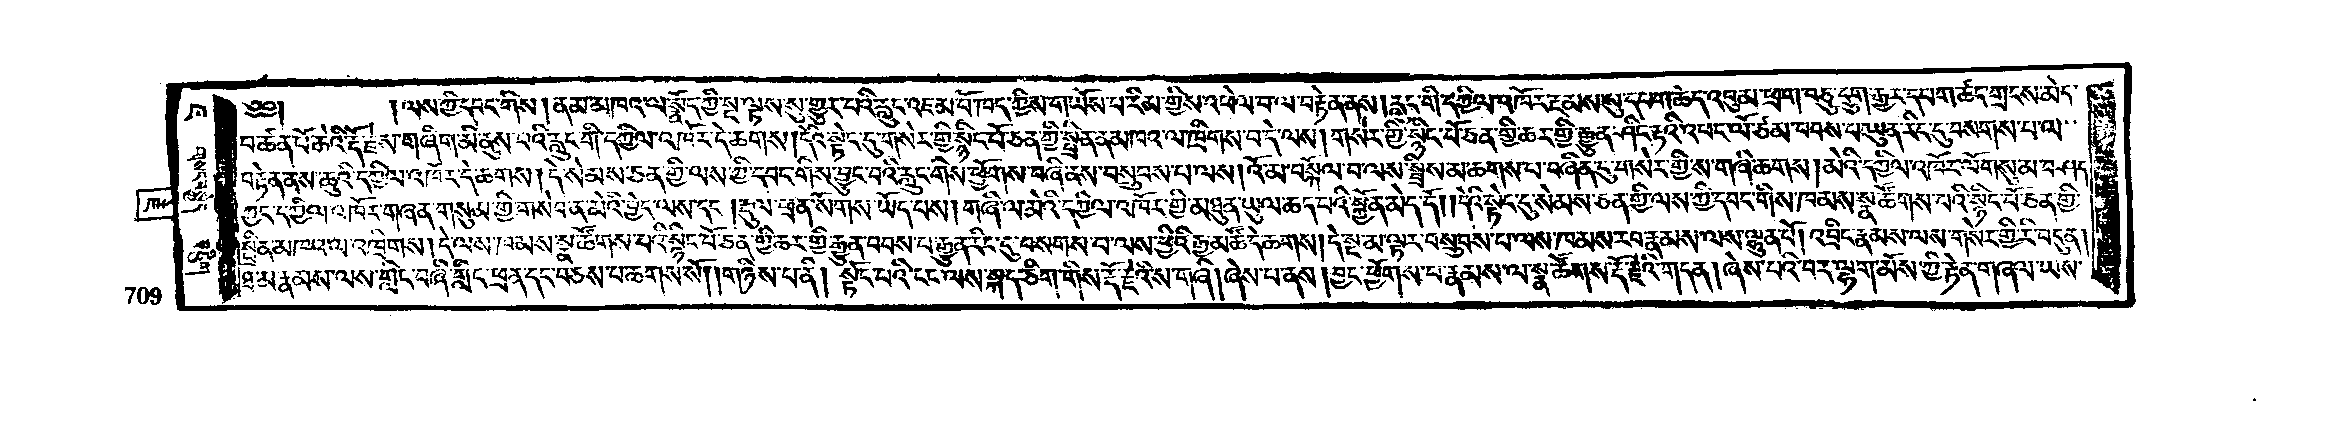༄༅། །ལས་ཀྱི་དབང་གིས། ནམ་མཁའ་ལ་སྣོད་ཀྱི་སྔ་ལྟས་སུ་གྱུར་པའི་རླུང་འཇམ་པོ་ཁད་ཀྱིས་གཡོས་པ་རིམ་གྱིས་འཕེལ་བ་ལ་བརྟེན་ནས། རླུང་གི་དཀྱིལ་འཁོར་རྔམས་སུ་དཔག་ཚད་འབུམ་ཕྲག་བཅུ་དྲུག་རྒྱར་དཔག་ཚད་གྲངས་མེད་
པ་ཚན་པོ་ཆེའི་རྡོ་རྗེས་གཞིག་མི་ནུས་པའི་རླུང་གི་དཀྱིལ་འཁོར་དེ་ཆགས། དེའི་སྟེང་དུ་གསེར་གྱི་སྙིང་པོ་ཅན་གྱི་སྤྲིན་ནམ་མཁའ་ལ་ཁྲིགས་པ་དེ་ལས། གསེར་གྱི་སྙིང་པོ་ཅན་གྱི་ཆར་གྱི་རྒྱུན་ཤིང་རྟའི་འཕང་ལོ་ཙམ་བབས་པ་ཡུན་རིང་དུ་བསགས་པ་ལ་
བརྟེན་ནས་ཆུའི་དཀྱིལ་འཁོར་དེ་ཆགས། དེ་སེམས་ཅན་གྱི་ལས་ཀྱི་དབང་གིས་བྱུང་བའི་རླུང་གིས་ཕྱོགས་བཞི་ནས་བསྲུབས་པ་ལས། འོ་མ་བསྐོལ་བ་ལས་སྤྲིས་མ་ཆགས་པ་བཞིན་དུ་གསེར་གྱི་ས་གཞི་ཆགས། མེའི་དཀྱིལ་འཁོར་ལོགས་སུ་མ་བཤད་
ཀྱང་དཀྱིལ་འཁོར་གཞན་གསུམ་གྱི་གསེབ་ན་མེའི་བྱེད་ལས་དང་། རྡུལ་ཕྲན་སོགས་ཡོད་པས། གཞི་ལ་མེའི་དཀྱིལ་འཁོར་གྱི་མཐུན་ཡུལ་ཆད་པའི་སྐྱོན་མེད་དོ། །དེའི་སྟེང་དུ་སེམས་ཅན་གྱི་ལས་ཀྱི་དབང་གིས་ཁམས་སྣ་ཚོགས་པའི་སྙིང་པོ་ཅན་གྱི་
སྤྲིན་མཁའ་ལ་འཁྲིགས། དེ་ལས་ཁམས་སྣ་ཚོགས་པའི་སྙིང་པོ་ཅན་གྱི་ཆར་གྱི་རྒྱུན་བབས་པ་རྒྱུན་རིང་དུ་བསགས་པ་ལས་ཕྱིའི་རྒྱ་མཚོ་དེ་ཆགས། དེ་སྔ་མ་ལྟར་བསྲུབས་པ་ལས་ཁམས་རབ་རྣམས་ལས་ལྷུན་པོ། འབྲིང་རྣམས་ལས་གསེར་གྱི་རི་བདུན།
ཐ་མ་རྣམས་ལས་གླིང་བཞི་གླིང་ཕྲན་དང་བཅས་པ་ཆགས་སོ། །གཉིས་པ་ནི། སྟོང་པའི་ངང་ལས་སྐད་ཅིག་གིས་རྡོ་རྗེའི་ས་གཞི། ཞེས་པ་ནས། བྱང་ཕྱོགས་པ་རྣམས་ལ་སྣ་ཚོགས་རྡོ་རྗེའི་གདན། ཞེས་པའི་བར་ལྷག་མོས་ཀྱི་རྟེན་གཞལ་ཡས་